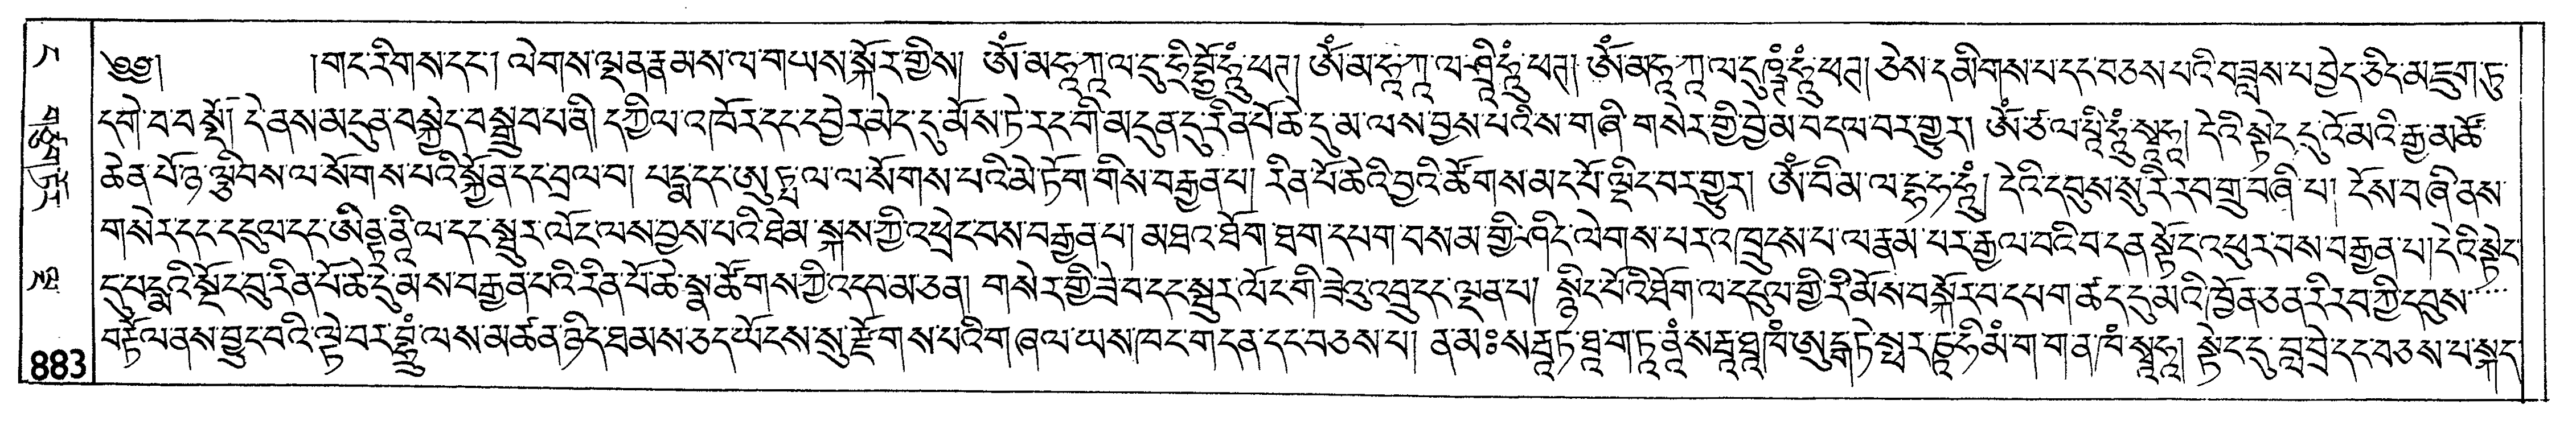༄༅། །གང་རིགས་དང་། ལེགས་ལྡན་རྣམས་ལ་གཡས་སྐོར་གྱིས། ཨོཾ་མཧཱ་ཀཱ་ལ་དུ་ཧྲི་བྷྱོ་ཧཱུཾ་ཕཊ། ཨོཾ་མཧཱ་ཀཱ་ལ་ཤྲཱི་ཧཱུཾ་ཕཊ། ཨོཾ་མཧཱ་ཀཱ་ལ་དུཥྚཾ་ཧཱུཾ་ཕཊ། ཅེས་དམིགས་པ་དང་བཅས་པའི་བཟླས་པ་བྱེད་ཅིང་མཇུག་ཏུ་
དགེ་བ་བསྔོ། དེ་ནས་མདུན་བསྐྱེད་བསྒྲུབ་པ་ནི། དཀྱིལ་འཁོར་དང་དབྱེར་མེད་དུ་མོས་ཏེ་རང་གི་མདུན་དུ་རིན་པོ་ཆེ་དུ་མ་ལས་བྱས་པའི་ས་གཞི་གསེར་གྱི་བྱེ་མ་བདལ་བར་གྱུར། ཨོཾ་ཙ་ལ་པཱི་ཧཱུཾ་སྭཱཧཱ། དེའི་སྟེང་དུ་འོ་མའི་རྒྱ་མཚོ་
ཆེན་པོ་ཉ་ལྕིབས་ལ་སོགས་པའི་སྐྱོན་དང་བྲལ་བ། པདམ་དང་ཨུཏྤ་ལ་ལ་སོགས་པའི་མེ་ཏོག་གིས་བརྒྱན་པ། རིན་པོ་ཆེའི་བྱའི་ཚོགས་མང་པོ་ལྡིང་བར་གྱུར། ཨོཾ་བི་མ་ལ་དྷ་ཧ་ཧཱུཾ། དེའི་དབུས་སུ་རི་རབ་གྲུ་བཞི་པ། ངོས་བཞི་ནས་
གསེར་དང་དངུལ་དང་ཨིནྟྲ་ནཱི་ལ་དང་སྦུར་ལོང་ལས་བྱས་པའི་ཐེམ་སྐས་ཀྱི་འཕྲེང་བས་བརྒྱན་པ། མཐའ་ཐོག་ཐག་དཔག་བསམ་གྱི་ཤིང་ལེགས་པར་འཁྲུངས་པ་ལ་རྣམ་པར་རྒྱལ་བའི་བ་དན་སྟོང་འཕུར་བས་བརྒྱན་པ། དེའི་སྟེང་
དུ་པདམའི་སྡོང་བུ་རིན་པོ་ཆེ་དུ་མས་བརྒྱན་པའི་རིན་པོ་ཆེ་སྣ་ཚོགས་ཀྱི་འདབ་མ་ཅན། གསེར་གྱི་ཟེ་བ་དང་སྦུར་ལོང་གི་ཟེའུ་འབྲུ་དང་ལྡན་པ། སྙིང་པོའི་ཐོག་ལ་དངུལ་གྱི་རི་མོས་བསྐོར་བ་དཔག་ཚད་དུ་མའི་ཁྱོན་ཅན་རི་རབ་ཀྱི་དབུས་
བརྟོལ་ནས་བྱུང་བའི་ལྟེ་བར་བྷྲུཾ་ལས་མཚན་ཉིད་ཐམས་ཅད་ཡོངས་སུ་རྫོགས་པའི་གཞལ་ཡས་ཁང་གདན་དང་བཅས་པ། ན་མཿ སརྦཱ་ཏ་ཐཱ་ག་ཏཱ་ནཱཾ་སརྦཱ་ཐཱཁཾ་ཨུངྒ་ཏེ་སྥར་ཎཱ་ཧི་མཾ་ག་ག་ན་ཁཾ་སྭཱཧཱ། སྟེང་དུ་བླ་བྲེ་དང་བཅས་པ་སྐད་